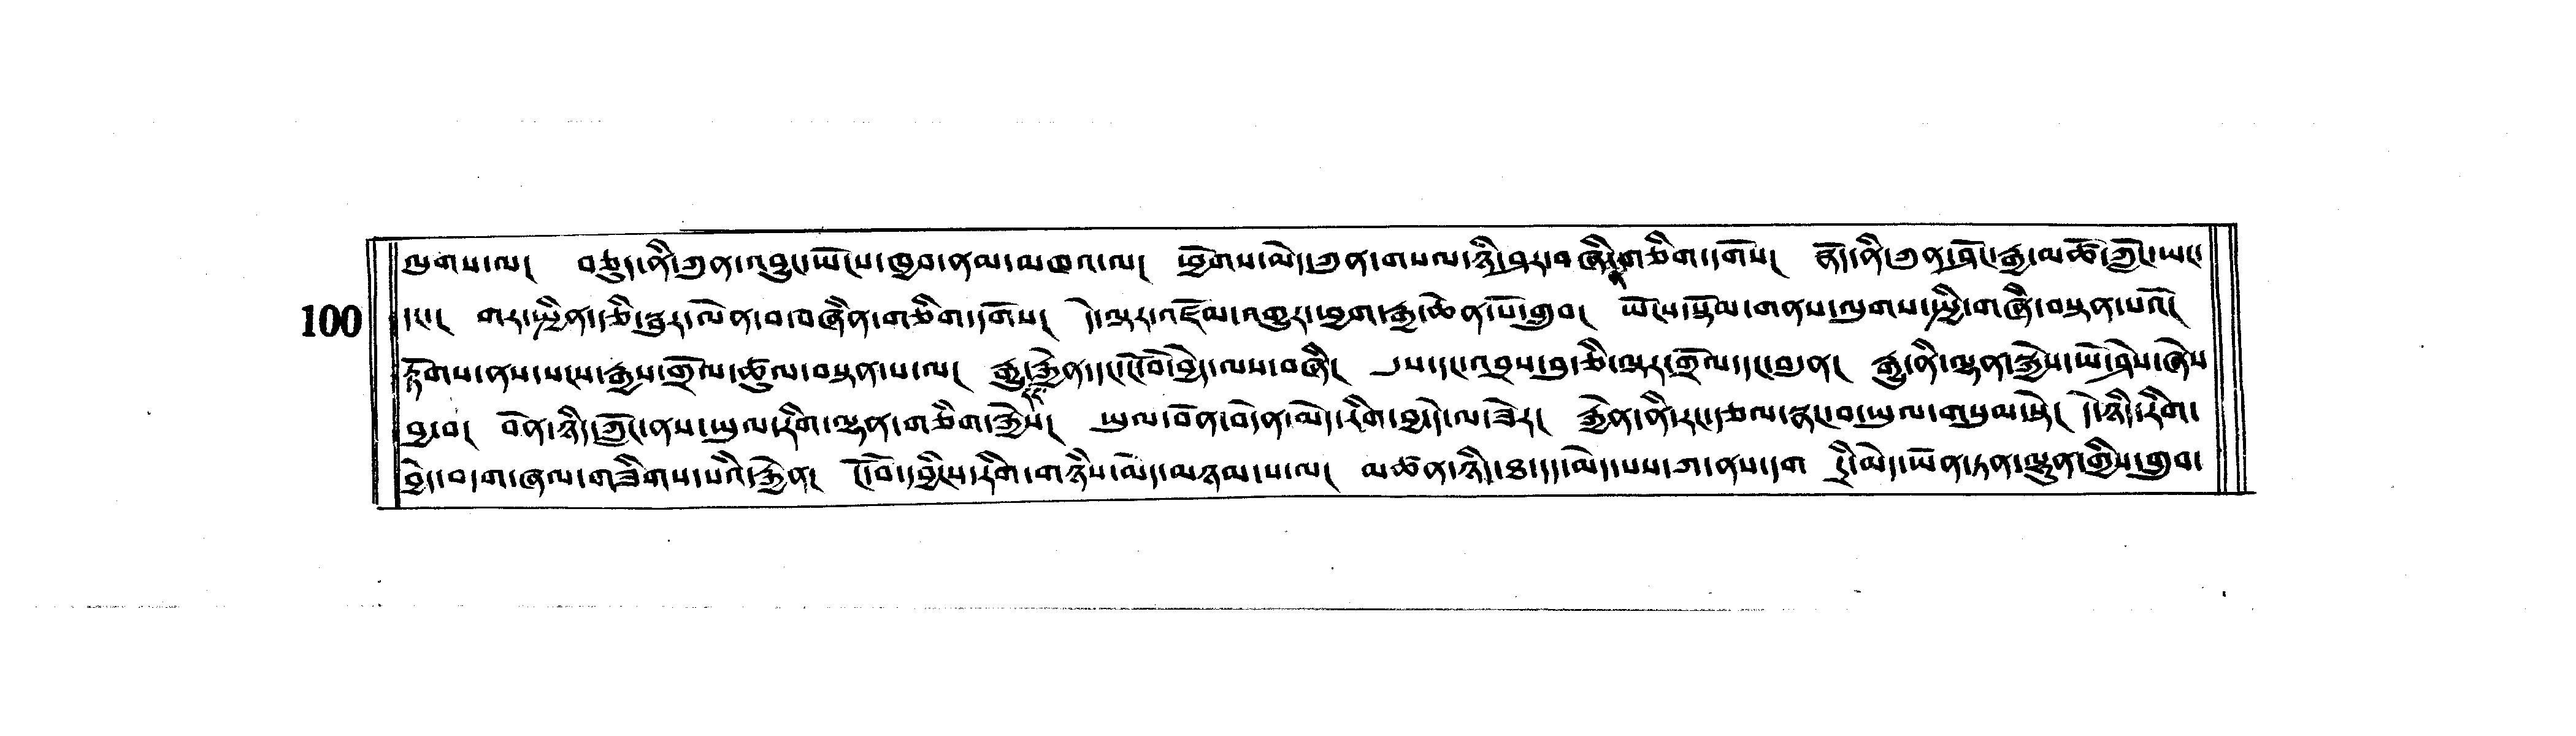ལུགས་ལ། བཅུད་ནི་ཀུན་འབྱུང་ཡོངས་ཁྱབ་ནམ་མཁའ་ལ། ཕྱོགས་མེད་ཀུན་གསལ་ཉི་ཤར་བཞིན་གཅིག་དགོས། སྣོད་ནི་ཀུན་ཤོང་རྒྱ་མཚོ་ཀློང་ཡངས་
དང་། གར་སྤྱིན་རྩི་སྦུར་ལེན་པ་བཞིན་གཅིག་དགོས། དེ་ལྟར་འཛོམ་འགྱུར་ཕྱག་རྒྱ་ཆེན་པོ་གྲུབ། ཡོངས་སྡོམ་གནས་ལུགས་སྤྱི་གཞི་བསྟན་པའོ། 
རྟོགས་ནས་སངས་རྒྱས་གྲོལ་ཚུལ་བསྟན་པ་ལ། རྒྱུ་དང་རྐྱེན་དང་ངོ་བོ་བྱེད་ལས་བཞི། དུས་དང་འབྲས་བུ་ཅི་ལྟར་གྲོལ་དང་བདུན། རྒྱུ་ནི་ལྷན་སྐྱེས་ཡེ་ཤེས་ཞེས་
བྱ་བ། བོན་ཉིད་ཀློང་ནས་ཡུལ་རིག་ལྷན་ཅིག་སྐྱེས། ཡུལ་བོན་བདེན་མེད་རིག་བྱ་དེ་ལ་ཟེར། རྐྱེན་ནི་རང་རྩལ་སྣང་བ་ཡུལ་གསུམ་སྟེ། དེ་ཉིད་རིག་
བྱེད་བདག་ཞལ་གཟིགས་པའི་རྐྱེན། ངོ་བོ་དབྱིངས་རིག་གཉིས་མེད་མཉམ་པ་ལ། མཚན་ཉིད་ཐ་དད་མེད་པས་ཀ་ནས་དག དྲི་མེད་ཡོན་ཏན་ལྷུན་གྱིས་གྲུབ་